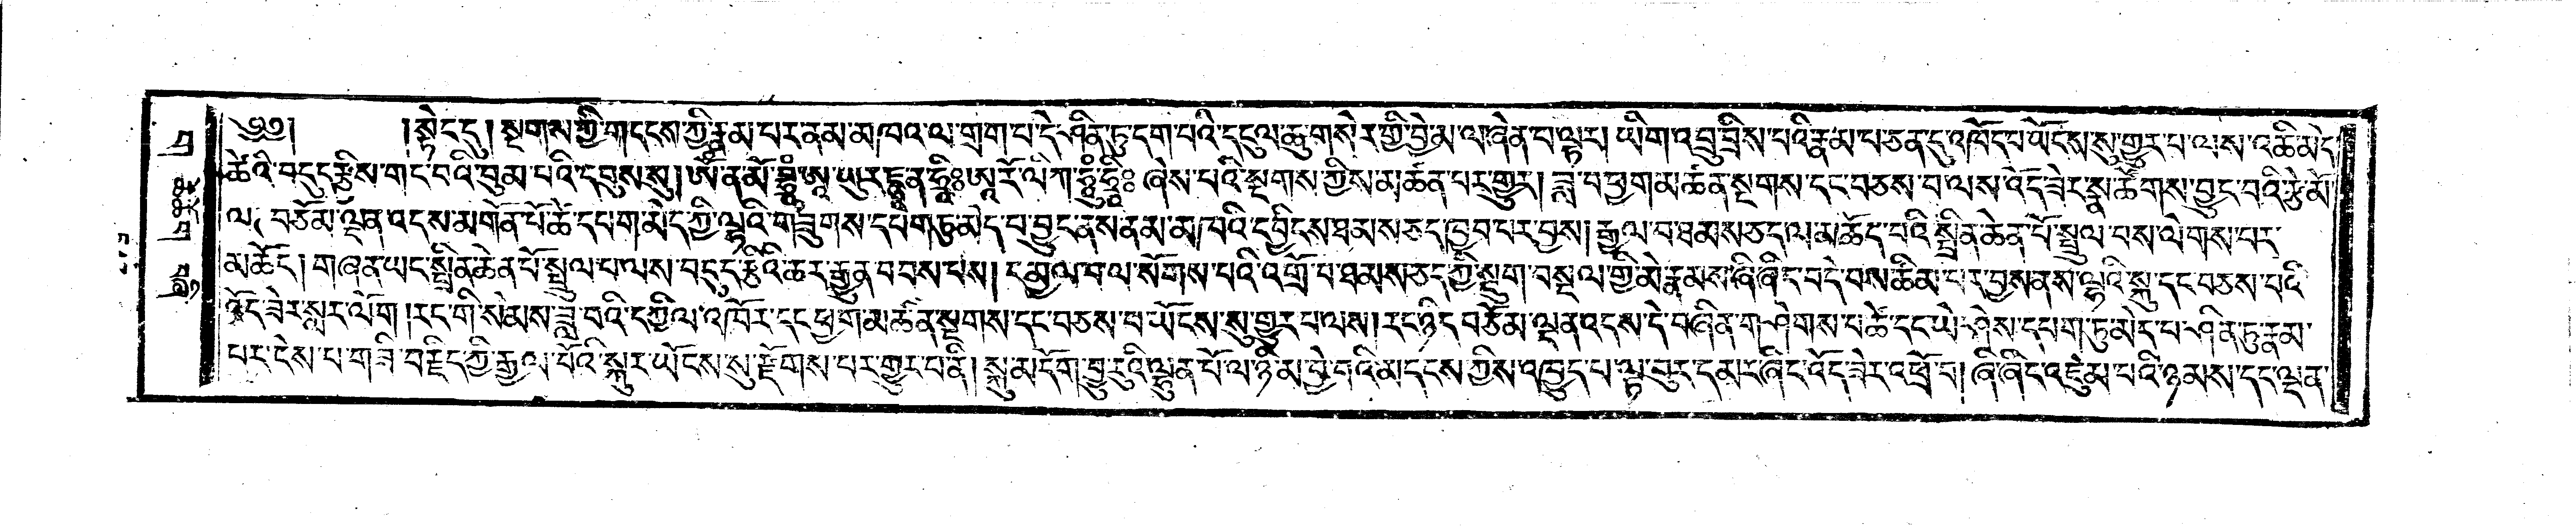༄༅། །སྟེང་དུ། སྔགས་ཀྱི་གདངས་ཀྱི་རྣམ་པར་ནམ་མཁའ་ལ་གྲག་པ་དེ་ཤིན་ཏུ་དག་པའི་དངུལ་ཆུ་གསེར་གྱི་བྱེ་མ་ལ་ཞེན་པ་ལྟར། ཡིག་འབྲུ་བྲིས་པའི་རྣམ་པ་ཅན་དུ་འཁོད་པ་ཡོངས་སུ་གྱུར་པ་ལས་འཆི་མེད་
ཚེའི་བདུད་རྩིས་གང་བའི་བུམ་པའི་དབུས་སུ། ཨོཾ་ན་མོ་བྷྲཱུཾ་ཨཱ་ཡུར་ཛྙཱན་ཧྲཱིཿ ཨཱ་རོ་ལི་ཀ་ཧཱུཾ་ཧརའཾཿ ཞེས་པའི་སྔགས་ཀྱིས་མཚན་པར་གྱུར། ཟླ་བ་ཕྱག་མཚན་སྔགས་དང་བཅས་པ་ལས་འོད་ཟེར་སྣ་ཚོགས་བྱུང་བའི་རྩེ་མོ་
ལ༑ བཅོམ་ལྡན་འདས་མགོན་པོ་ཚེ་དཔག་མེད་ཀྱི་ལྷའི་གཟུགས་དཔག་ཏུ་མེད་པ་བྱུང་ནས་ནམ་མཁའི་དབྱིངས་ཐམས་ཅད་ཁྱབ་པར་བྱས། རྒྱལ་བ་ཐམས་ཅད་ལ་མཆོད་པའི་སྤྲིན་ཆེན་པོ་སྤྲུལ་པས་ལེགས་པར་
མཆོད། གཞན་ཡང་སྤྲིན་ཆེན་པོ་སྤྲུལ་པ་ལས་བདུད་རྩིའི་ཆར་རྒྱུན་བབས་པས། དམྱལ་བ་ལ་སོགས་པའི་འགྲོ་བ་ཐམས་ཅད་ཀྱི་སྡུག་བསྔལ་གྱི་མེ་རྣམས་ཞི་ཞིང་བདེ་བས་ཚིམ་པར་བྱས་ནས་ལྷའི་སྐུ་དང་བཅས་པའི་
འོད་ཟེར་སླར་ལོག །རང་གི་སེམས་ཟླ་བའི་དཀྱིལ་འཁོར་དང་ཕྱག་མཚན་སྔགས་དང་བཅས་པ་ཡོངས་སུ་གྱུར་པ་ལས། རང་ཉིད་བཅོམ་ལྡན་འདས་དེ་བཞིན་གཤེགས་པ་ཚེ་དང་ཡེ་ཤེས་དཔག་ཏུ་མེད་པ་ཤིན་ཏུ་རྣམ་
པར་ངེས་པ་གཟི་བརྗིད་ཀྱི་རྒྱལ་པོའི་སྐུར་ཡོངས་སུ་རྫོགས་པར་གྱུར་པ་ནི། སྐུ་མདོག་བྱུ་རུའི་ལྷུན་པོ་ལ་ཉི་མ་བྱེ་བའི་མདངས་ཀྱིས་འཁྱུད་པ་ལྟ་བུར་དམར་ཞིང་འོད་ཟེར་འཕྲོ་བ། ཞི་ཞིང་འཛུམ་པའི་ཉམས་དང་ལྡན་